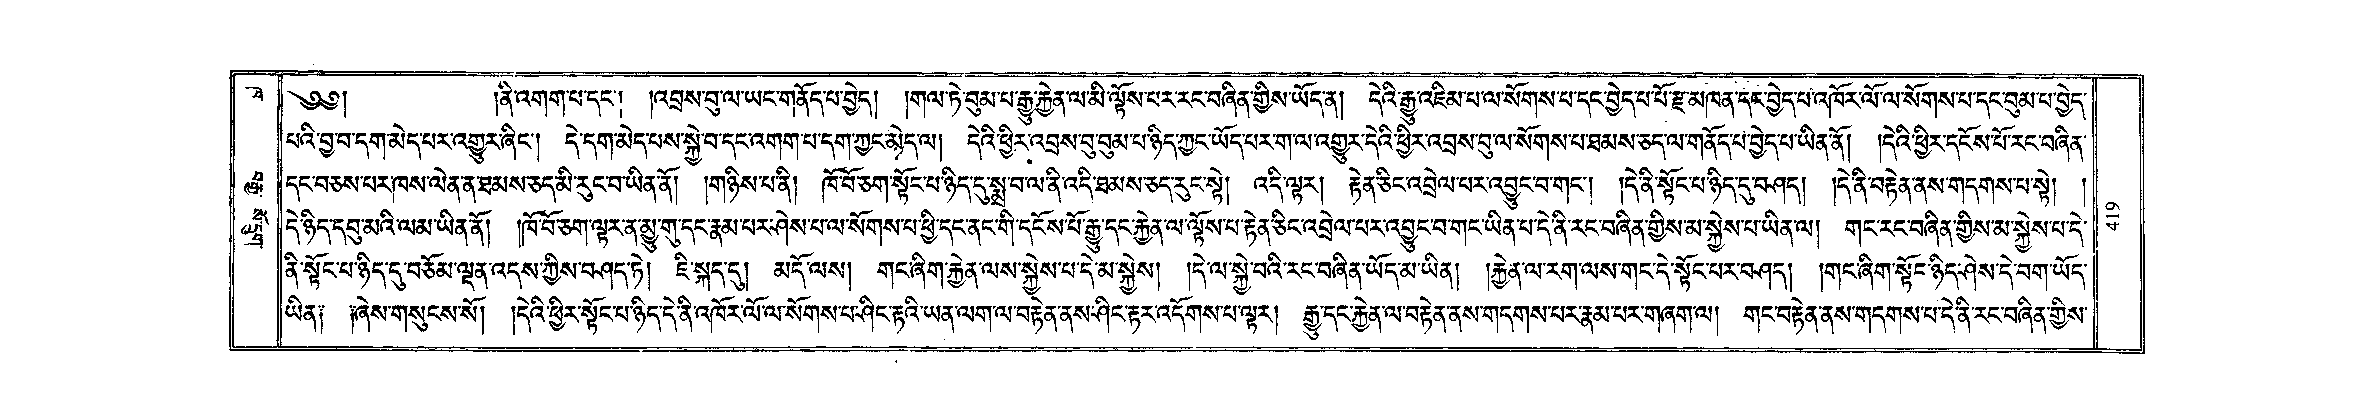༄༅། །ནི་འགག་པ་དང་། །འབྲས་བུ་ལ་ཡང་གནོད་པ་བྱེད། །གལ་ཏེ་བུམ་པ་རྒྱུ་རྐྱེན་ལ་མི་ལྟོས་པར་རང་བཞིན་གྱིས་ཡོད་ན། དེའི་རྒྱུ་འཇིམ་པ་ལ་སོགས་པ་དང་བྱེད་པ་པོ་རྫ་མཁན་དང་བྱེད་པ་འཁོར་ལོ་ལ་སོགས་པ་དང་བུམ་པ་བྱེད་
པའི་བྱ་བ་དག་མེད་པར་འགྱུར་ཞིང་། དེ་དག་མེད་པས་སྐྱེ་བ་དང་འགག་པ་དག་ཀྱང་མེད་ལ། དེའི་ཕྱིར་འབྲས་བུ་བུམ་པ་ཉིད་ཀྱང་ཡོད་པར་ག་ལ་འགྱུར་དེའི་ཕྱིར་འབྲས་བུ་ལ་སོགས་པ་ཐམས་ཅད་ལ་གནོད་པ་བྱེད་པ་ཡིན་ནོ། །དེའི་ཕྱིར་དངོས་པོ་རང་བཞིན་
དང་བཅས་པར་ཁས་ལེན་ན་ཐམས་ཅད་མི་རུང་བ་ཡིན་ནོ། །གཉིས་པ་ནི། ཁོ་བོ་ཅག་སྟོང་པ་ཉིད་དུ་སྨྲ་བ་ལ་ནི་འདི་ཐམས་ཅད་རུང་སྟེ། འདི་ལྟར། རྟེན་ཅིང་འབྲེལ་པར་འབྱུང་བ་གང་། །དེ་ནི་སྟོང་པ་ཉིད་དུ་བཤད། །དེ་ནི་བརྟེན་ནས་གདགས་པ་སྟེ། །
དེ་ཉིད་དབུ་མའི་ལམ་ཡིན་ནོ། །ཁོ་བོ་ཅག་ལྟར་ན་མྱུ་གུ་དང་རྣམ་པར་ཤེས་པ་ལ་སོགས་པ་ཕྱི་དང་ནང་གི་དངོས་པོ་རྒྱུ་དང་རྐྱེན་ལ་ལྟོས་པ་རྟེན་ཅིང་འབྲེལ་པར་འབྱུང་བ་གང་ཡིན་པ་དེ་ནི་རང་བཞིན་གྱིས་མ་སྐྱེས་པ་ཡིན་ལ། གང་རང་བཞིན་གྱིས་མ་སྐྱེས་པ་དེ་
ནི་སྟོང་པ་ཉིད་དུ་བཅོམ་ལྡན་འདས་ཀྱིས་བཤད་ཏེ། ཇི་སྐད་དུ། མདོ་ལས། གང་ཞིག་རྐྱེན་ལས་སྐྱེས་པ་དེ་མ་སྐྱེས། །དེ་ལ་སྐྱེ་བའི་རང་བཞིན་ཡོད་མ་ཡིན། །རྐྱེན་ལ་རག་ལས་གང་དེ་སྟོང་པར་བཤད། །གང་ཞིག་སྟོང་ཉིད་ཤེས་དེ་བག་ཡོད་
ཡིན༑ ༑ཞེས་གསུངས་སོ། །དེའི་ཕྱིར་སྟོང་པ་ཉིད་དེ་ནི་འཁོར་ལོ་ལ་སོགས་པ་ཤིང་རྟའི་ཡན་ལག་ལ་བརྟེན་ནས་ཤིང་རྟར་འདོགས་པ་ལྟར། རྒྱུ་དང་རྐྱེན་ལ་བརྟེན་ནས་གདགས་པར་རྣམ་པར་གཞག་ལ། གང་བརྟེན་ནས་གདགས་པ་དེ་ནི་རང་བཞིན་གྱིས་